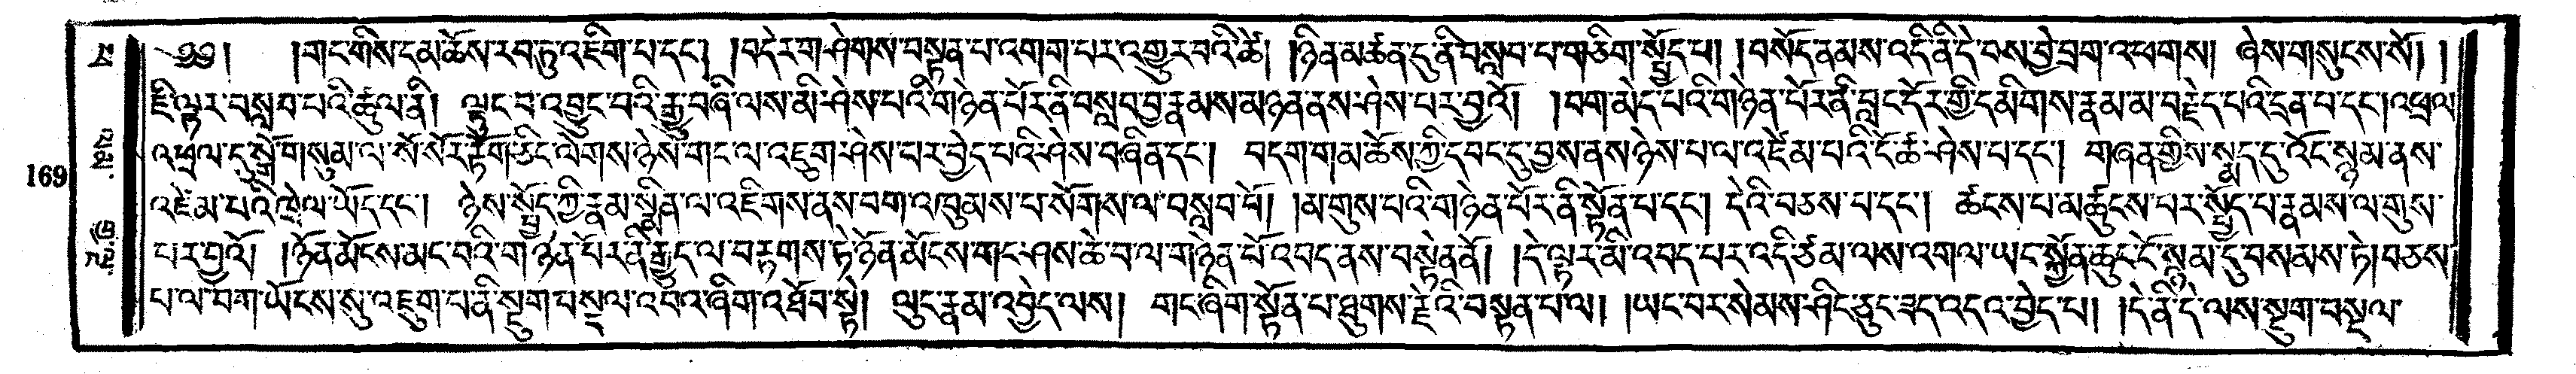༄༅། །གང་གིས་དམ་ཆོས་རབ་ཏུ་འཇིག་པ་དང་། །བདེར་གཤེགས་བསྟན་པ་འགག་པར་འགྱུར་བའི་ཚེ། །ཉིན་མཚན་དུ་ནི་བསླབ་པ་གཅིག་སྤྱོད་པ། །བསོད་ནམས་འདི་ནི་དེ་བས་བྱེ་བྲག་འཕགས། ཞེས་གསུངས་སོ། །
ཇི་ལྟར་བསླབ་པའི་ཚུལ་ནི། ལྟུང་བ་འབྱུང་བའི་རྒྱུ་བཞི་ལས་མི་ཤེས་པའི་གཉེན་པོར་ནི་བསླབ་བྱ་རྣམས་མཉན་ནས་ཤེས་པར་བྱའོ། །བག་མེད་པའི་གཉེན་པོར་ནི་བླང་དོར་གྱི་དམིགས་རྣམ་མ་བརྗེད་པའི་དྲན་པ་དང་། འཕྲལ་
འཕྲལ་དུ་སྒོ་གསུམ་ལ་སོ་སོར་རྟོག་ཅིང་ལེགས་ཉེས་གང་ལ་འཇུག་ཤེས་པར་བྱེད་པའི་ཤེས་བཞིན་དང་། བདག་གམ་ཆོས་ཀྱི་དབང་དུ་བྱས་ནས་ཉེས་པ་ལ་འཛེམ་པའི་ངོ་ཚ་ཤེས་པ་དང་། གཞན་གྱིས་སྨད་དུ་འོང་སྙམ་ནས་
འཛེམ་པའི་ཁྲེལ་ཡོད་དང་། ཉེས་སྤྱོད་ཀྱི་རྣམ་སྨིན་ལ་འཇིགས་ནས་བག་འཁུམས་པ་སོགས་ལ་བསླབ་པོ། །མ་གུས་པའི་གཉེན་པོར་ནི་སྟོན་པ་དང་། དེའི་བཅས་པ་དང་། ཚངས་པ་མཚུངས་པར་སྤྱོད་པ་རྣམས་ལ་གུས་
པར་བྱའོ། །ཉོན་མོངས་མང་བའི་གཉེན་པོར་ནི་རྒྱུད་ལ་བརྟགས་ཏེ་ཉོན་མོངས་གང་ཤས་ཆེ་བ་ལ་གཉེན་པོ་འབད་ནས་བསྟེན་ནོ། །དེ་ལྟར་མི་འབད་བར་འདི་ཙམ་ལས་འགལ་ཡང་སྐྱོན་ཆུང་ངོ་སྙམ་དུ་བསམས་ཏེ། བཅས་
པ་ལ་བག་ཡོངས་སུ་འཇུག་པ་ནི་སྡུག་བསྔལ་འབའ་ཞིག་འཐོབ་སྟེ། ལུང་རྣམ་འབྱེད་ལས། གང་ཞིག་སྟོན་པ་ཐུགས་རྗེའི་བསྟན་པ་ལ། །ཡང་བར་སེམས་ཤིང་ཅུང་ཟད་འདའ་བྱེད་པ་། །དེ་ནི་ལས་སྡུག་བསྔལ་